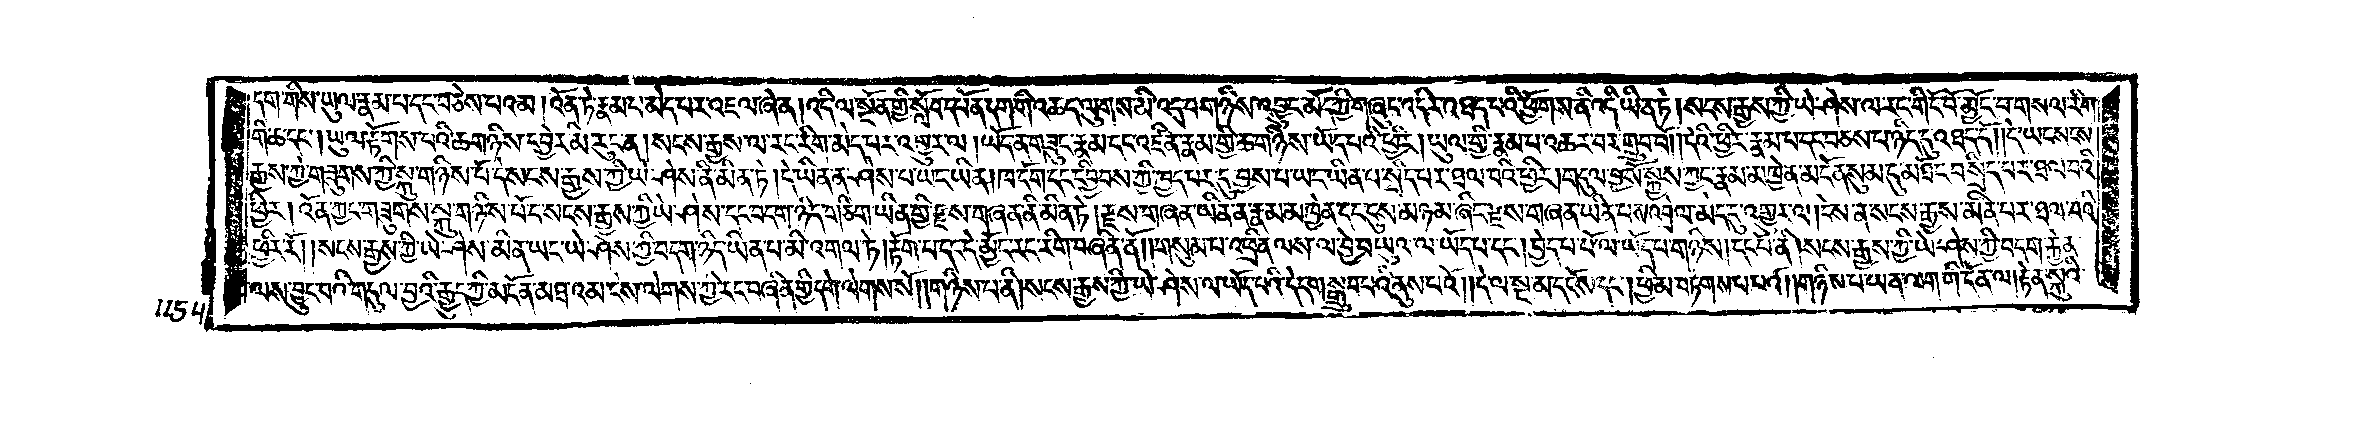དག་གིས་ཡུལ་རྣམ་པ་དང་བཅེས་པའམ། འོན་ཏེ་རྣམ་པ་མེད་པར་འཇལ་ཞེ་ན། འདི་ལ་སྔོན་གྱི་སློབ་དཔོན་དག་གི་འཆད་ལུགས་མི་འདྲ་བ་གཉིས་འབྱུང་མོད་ཀྱི་གཞུང་འདིར་འཐད་པའི་ཕྱོགས་ནི་འདི་ཡིན་ཏེ། སངས་རྒྱས་ཀྱི་ཡེ་ཤེས་ལ་རང་གི་ངོ་བོ་མྱོང་བ་གསལ་རིག་
གི་ཆ་དང་། ཡུལ་རྟོགས་པའི་ཆ་གཉིས་དབྱེར་མི་རུང་ན། སངས་རྒྱས་ལ་རང་རིག་མེད་པར་འགྱུར་ལ། ཡོད་ན་གཟུང་རྣམ་དང་འཛིན་རྣམ་གྱི་ཆ་གཉིས་ཡོད་པའི་ཕྱིར། ཡུལ་གྱི་རྣམ་པ་འཆར་བར་གྲུབ་བོ། །དེའི་ཕྱིར་རྣམ་པ་དང་བཅས་པ་ཉིད་དུ་འཐད་དོ། །དེ་ཡང་སངས་
རྒྱས་ཀྱི་གཟུགས་ཀྱི་སྐུ་གཉིས་པོ་དེ་སངས་རྒྱས་ཀྱི་ཡེ་ཤེས་ནི་མིན་ཏེ། དེ་ཡིན་ན་ཤེས་པ་ཡང་ཡིན། ཁ་དོག་དང་དབྱིབས་ཀྱི་ཁྱད་པར་དུ་བྱས་པ་ཡང་ཡིན་པ་སྲིད་པར་ཐལ་བའི་ཕྱིར། གདུལ་བྱ་སོ་སྐྱེས་ཀྱང་རྣམ་མཁྱེན་མངོན་གསུམ་དུ་མཐོང་བ་སྲིད་པར་ཐལ་བའི་
ཕྱིར། འོན་ཀྱང་གཟུགས་སྐུ་གཉིས་པོ་དེ་སངས་རྒྱས་ཀྱི་ཡེ་ཤེས་དང་བདག་ཉིད་གཅིག་ཡིན་གྱི་རྫས་གཞན་ནི་མིན་ཏེ། རྫས་གཞན་ཡིན་ན་རྣམ་མཁྱེན་དང་དུས་མཉམ་ཞིང་རྫས་གཞན་ཡིན་པས་འབྲེལ་མེད་དུ་གྱུར་ལ། ངེས་ན་སངས་རྒྱས་མིན་པར་ཐལ་བའི་
ཕྱིར་རོ། །སངས་རྒྱས་ཀྱི་ཡེ་ཤེས་མིན་ཡང་ཡེ་ཤེས་ཀྱི་བདག་ཉིད་མི་འགལ་ཏེ། རྟོག་པ་དང་དེ་མྱོང་རང་རིག་བཞིན་ནོ། །གསུམ་པ་འཕྲིན་ལས་ལ་བྱེབ་ཡུལ་ལ་ཡོད་པ་དང་། བྱེད་པ་པོ་ལ་ཡོད་པ་གཉིས། དང་པོ་ནི། སངས་རྒྱས་ཀྱི་ཡེ་ཤེས་ཀྱི་བདག་རྐྱེན་
ལས་བྱུང་བའི་གདུལ་བྱའི་རྒྱུད་ཀྱི་མངོན་མཐོའམ་ངེས་ལེགས་ཀྱི་རང་བཞིན་གྱི་དགེ་ལེགས་སོ། །གཉིས་པ་ནི། སངས་རྒྱས་ཀྱི་ཡེ་ཤེས་ལ་ཡོད་པའི་དེ་དག་སྒྲུབ་པའི་ནུས་པའོ། །དེ་ལ་སྔ་མ་དངོས་དང་། ཕྱི་མ་བཏགས་པ་བའོ། །གཉིས་པ་ཡན་ལག་གི་དོན་ལ། རྟེན་སྐུའི་